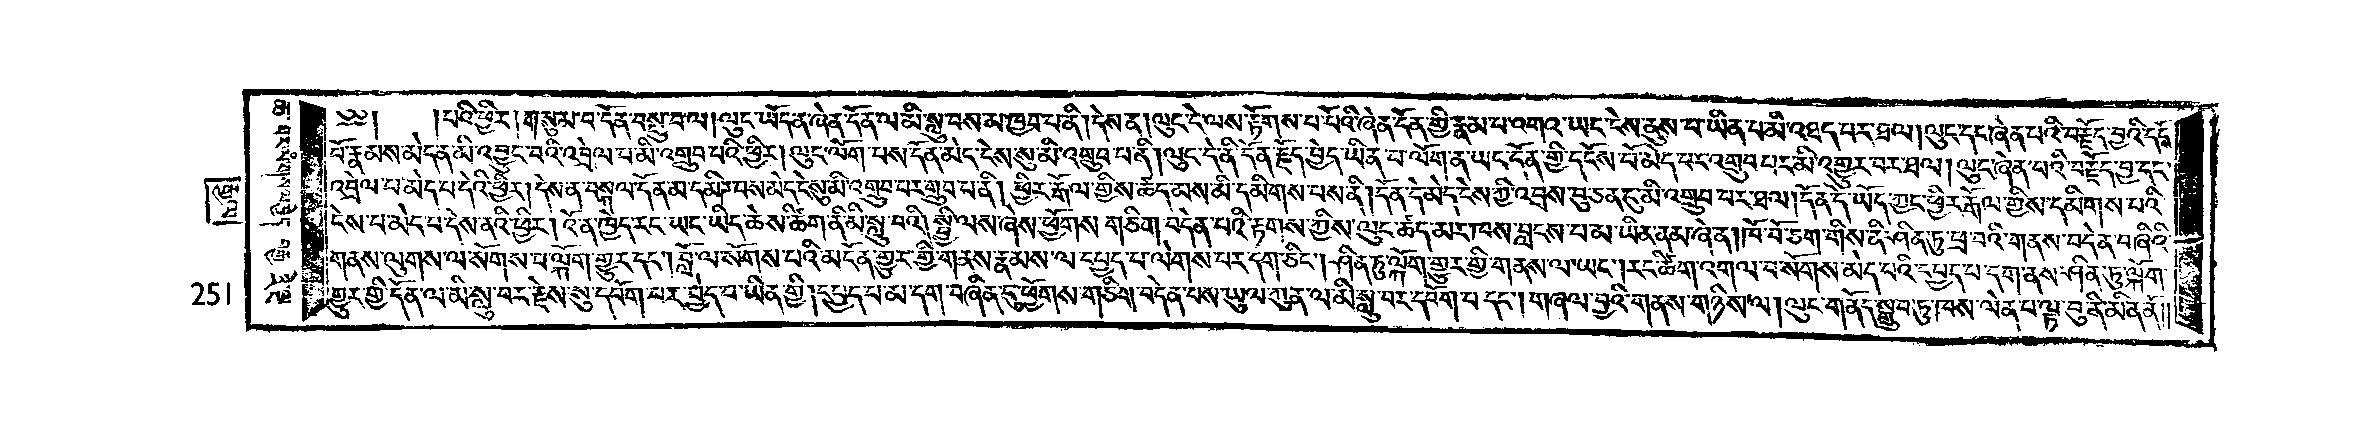༄༅། །པའི་ཕྱིར། གསུམ་པ་དོན་བསྡུ་བ་ལ། ལུང་ཡོད་ན་ཞེན་དོན་ལ་མི་སླུ་བས་མ་ཁྱབ་པ་ནི། དེས་ན། ལུང་དེ་ལས་རྟོགས་པ་པོའི་ཞེན་དོན་གྱི་རྣམ་པ་འགའ་ཡང་ངེས་ནུས་པ་ཡིན་པ་མི་འཐད་པར་ཐལ། ལུང་དང་ཞེན་པའི་བརྗོད་བྱའི་དངོས་
པོ་རྣམས་མེད་ན་མི་འབྱུང་བའི་འབྲེལ་པ་མི་འགྲུབ་པའི་ཕྱིར། ལུང་ལོག་པས་དོན་མེད་ངེས་སུ་མི་འགྲུབ་པ་ནི། ལུང་དེ་ནི་དོན་རྗོད་བྱེད་ཡིན་པ་ལོག་ན་ཡང་དོན་གྱི་དངོས་པོ་མེད་པར་འགྲུབ་པར་མི་འགྱུར་བར་ཐལ། ལུང་ཞེན་པའི་བརྗོད་བྱ་དང་
འབྲེལ་པ་མེད་པ་དེའི་ཕྱིར། དེས་ན་བསྐལ་དོན་མ་དམིཌ་པས་མིད་ངེས་སུ་མི་འགྲུབ་པར་གྲུབ་པ་ནི། ཕྱིར་རྒོལ་གྱིས་ཚད་མས་མི་དམིགས་པས་ནི། དོན་དེ་མེད་ངེས་ཀྱི་འབྲས་བུ་ཅན་དུ་མི་འགྲུབ་པར་ཐལ། དོན་དེ་ཡོད་ཀྱང་ཕྱིར་རྒོལ་གྱིས་དམིགས་པའི་
ངེས་པ་མེད་པ་དེས་ནའི་ཕྱིར། འོ་ན་ཁྱེད་རང་ཡང་ཡིད་ཆེས་ཚིག་ནི་མི་སླུ་བའི། སྤྱི་ལས་ཞེས་ཕྱོགས་གཅིག་བདེན་པའི་རྟགས་ཀྱིས་ལུང་ཚད་མར་ཁས་བླངས་པ་མ་ཡིན་ནམ་ཞེ་ན། ཁོ་བོ་ཅག་གིས་ནི་ཤིན་ཏུ་ཕྲ་བའི་གནས་བདེན་བཞིའི་
གནས་ལུགས་ལ་སོགས་པ་ལྐོག་གྱུར་དང་། བློ་ལ་སོགས་པའི་མངོན་གྱུར་གྱི་གནས་རྣམས་ལ་དཔྱད་པ་ལེགས་པར་དག་ཅིང་། ཤིན་ཏུ་ལྐོག་གྱུར་གྱི་གནས་ལ་ཡང་། རང་ཚིག་འགལ་བ་སོགས་མེད་པའི་དཔྱད་པ་དག་ནས་ཤིན་ཏུ་ལྐོག་
གྱུར་གྱི་དོན་ལ་མི་སླུ་བར་རྗེས་སུ་དཔོག་པར་བྱེད་པ་ཡིན་གྱི། དཔྱད་པ་མ་དག་བཞིན་དུ་ཕྱོགས་གཅིག་བདེན་པས་ཡུལ་ཀུན་ལ་མི་སླུ་བར་དཔོག་པ་དང་། གཞལ་བྱའི་གནས་གཉིས་ལ། ལུང་གནོད་སྒྲུབ་ཏུ་ཁས་ལེན་པ་ལྟ་བུ་ནི་མིན་ནོ།།